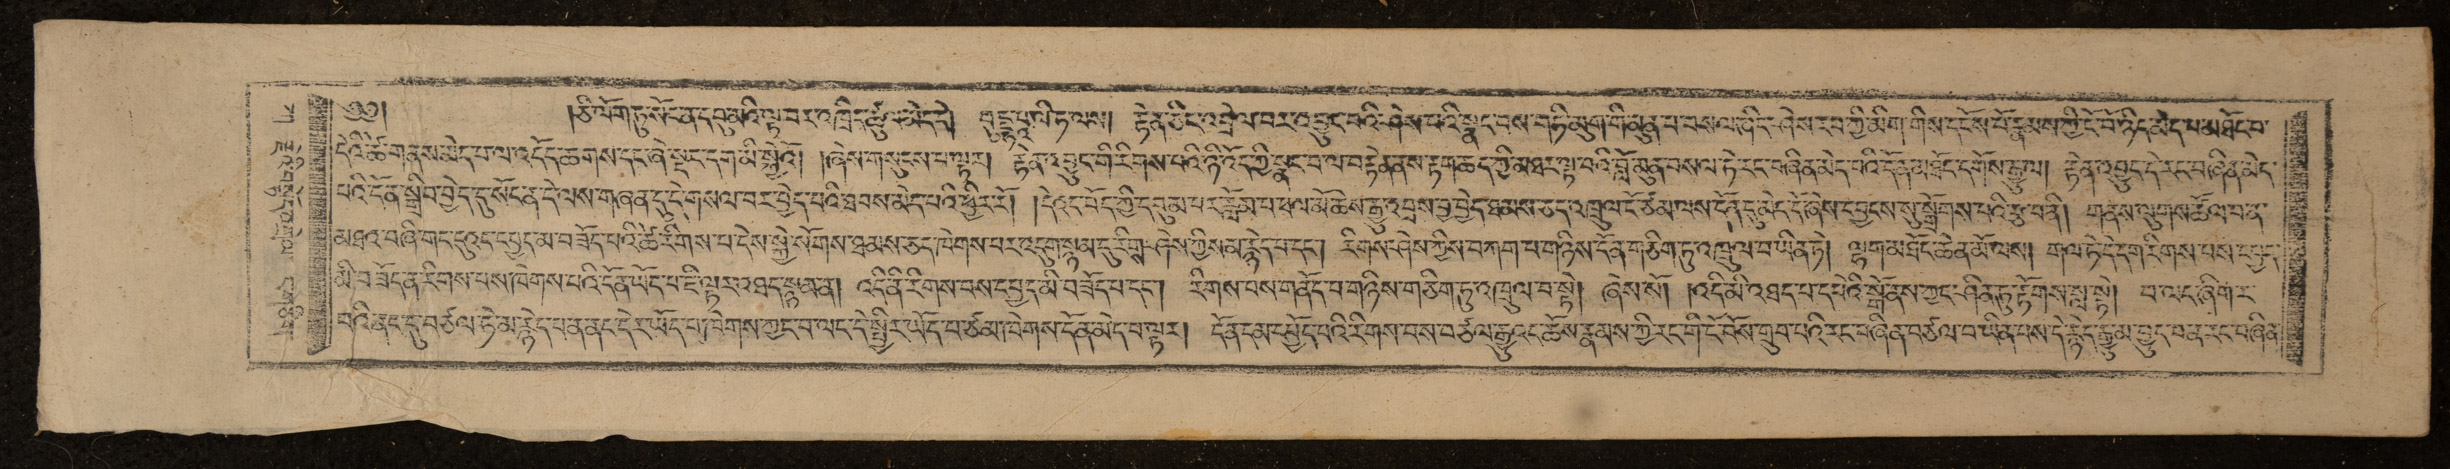༄༅། །ཅི་ལོག་ཏུ་སོང་ན་དབུ་མའི་ལྟ་བར་འཁྲིད་ཚུལ་མེད་དེ། བུདྡྷ་བཱ་ལི་ཏ་ལས། རྟེན་ཅིང་འབྲེལ་བར་འབྱུང་བའི་ཤེས་པའི་སྣང་བས་གཏི་མུག་གི་མུན་པ་བསལ་ཞིང་ཤེས་རབ་ཀྱི་མིག་གིས་དངོས་པོ་རྣམས་ཀྱི་ངོ་བོ་ཉིད་མེད་པ་མཐོང་བ་
དེའི་ཚེ་གནས་མེད་པ་ལ་འདོད་ཆགས་དང་ཞེ་སྡང་དག་མི་སྐྱེའོ། །ཞེས་གསུངས་པ་ལྟར། རྟེན་འབྱུང་གི་རིགས་པའི་ཉིད་འོད་ཀྱི་སྣང་བ་ལ་བརྟེན་ནས་རྟག་ཆད་ཀྱི་མཐར་ལྟ་བའི་བློ་མུན་བསལ་ཏེ་རང་བཞིན་མེད་པའི་དོན་མཐོང་དགོས་རྒྱུ་ལ། རྟེན་འབྱུང་དེ་རང་བཞིན་མེད་
པའི་དོན་སྒྲིབ་བྱེད་དུ་སོང་ན་དེ་ལས་གཞན་དུ་དེ་གསལ་བར་བྱེད་བའི་ཐབས་མེད་བའི་ཕྱིར་རོ། །དེའང་བོད་ཀྱི་དབུ་མ་བར་བློ་མ་བ་ཕལ་མོ་ཆེས་རྒྱུ་འབྲས་བྱ་བྱེད་ཐམས་ཅད་འཁྲུལ་ངོ་ཙམ་ལས་དོན་དུ་མེད་དོ་ཞེས་དབྱངས་སུ་སྒྲོགས་བའི་རྩ་བ་ནི། གནས་ལུགས་ཚོལ་བ་ན་
མཐའ་བཞི་གང་དུའང་དཔྱད་མ་བཟོད་པའི་ཚེ་རིགས་པ་དེས་སྐྱེ་སོགས་ཐམས་ཅད་ཁེགས་པར་འདུག་སྙམ་དུ་རིགས་ཤེས་ཀྱིས་མ་རྙེད་པ་དང་། རིགས་ཤེས་ཀྱིས་བགག་པ་གཉིས་དོན་གཅིག་ཏུ་འཁྲུལ་བ་ཡིན་ཏེ། ལྷག་མཐོང་ཆེན་མོ་ལས། གལ་ཏེ་དེ་དག་རིགས་པས་དབྱད་
མི་བཟོད་ན་རིགས་པས་ཁེགས་བའི་དོན་ཡོད་པ་ཇི་ལྟར་འཐད་སྙམ་ན། འདི་ནི་རིགས་བས་དཔྱད་མི་བཟོད་པ་དང་། རིགས་བས་གནོད་པ་གཉིས་གཅིག་ཏུ་འཁྲུལ་བ་སྟེ། ཞེས་སོ། །འདི་མི་འཐད་པ་དཔེའི་སྒོ་ནས་ཀྱང་ཤིན་ཏུ་རྟོགས་སླ་སྟེ། བ་ལང་ཞིག་ར་
བའི་ནང་དུ་བཙལ་ཏེ་མ་རྙེད་ཕན་ནང་དེར་ཡོད་པ་ཁེགས་ཀྱང་བ་ལང་དེ་སྤྱིར་ཡོད་བ་ཙམ་ཁེགས་དོན་མེད་པ་ལྟར། དོན་དམ་དཔྱོད་བའི་རིགས་པས་འྩལ་རྒྱུའང་ཆོས་རྣམས་ཀྱི་རང་གི་ངོ་བོས་གྲུབ་པའི་རང་བཞིན་བཙལ་བ་ཡིན་པ་དེ་རྙེད་རྒྱུ་མ་བྱུང་བ་ན་རང་བཞིན་